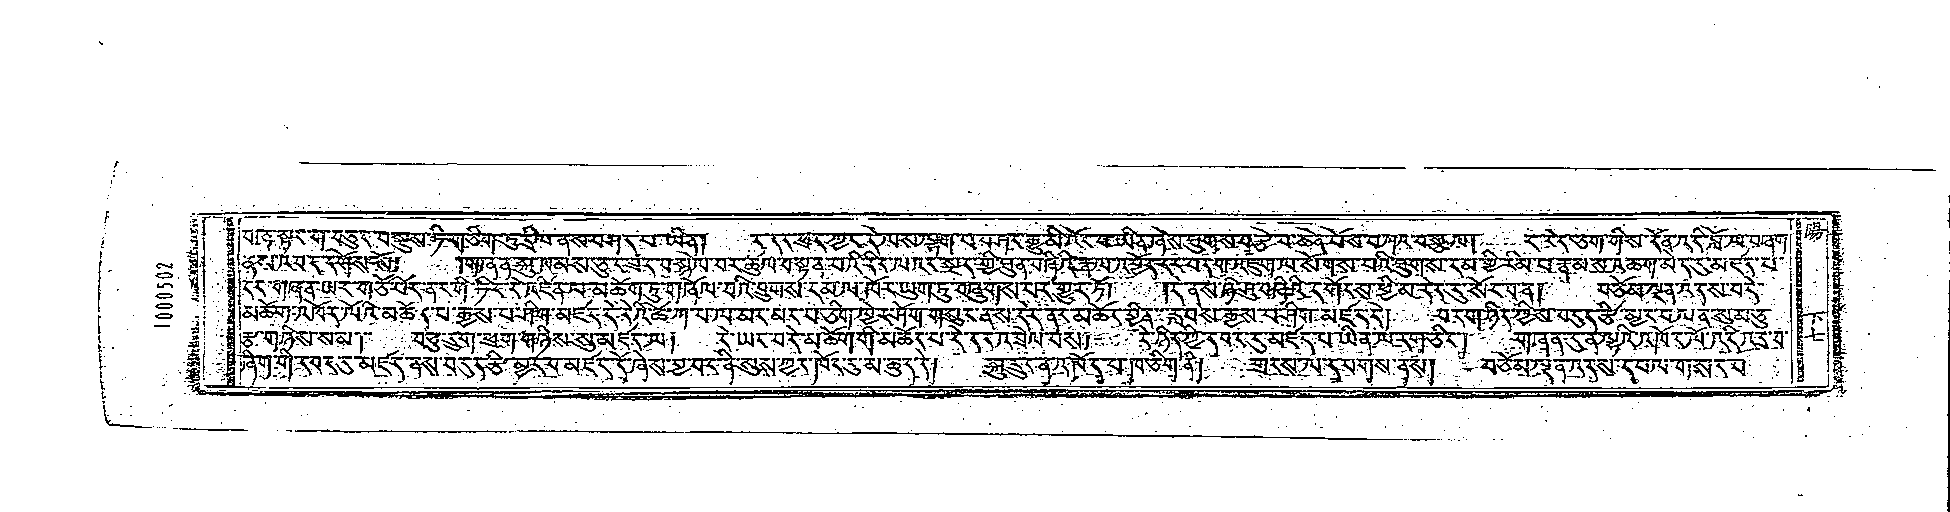བཞི་སྟོང་གི་བཅུད་བསྡུས་ཏི་གཅིག་ཏུ་དྲིལ་ནས་བཤད་པ་ཡིན། ད་དང་ཕྲད་ཀྱང་དེ་ལས་ལྷག་པ་བཤད་རྒྱུ་མི་འོང་བ་ཡིན་ཞེས་ཐུགས་བརྩེ་བ་ཆེན་པོས་བཀའ་བསྩལ། ང་ངེད་ཅག་གིས་དོན་འདི་བློ་ལ་བཞག་
ནས་འབད་དགོས་སོ། །གཞན་སྐུ་ཁམས་ཅུང་ཟད་བསྙེལ་བར་ཚུལ་བསྟན་པའི་རིང་ལའང་སྔར་གྱི་ཐུན་བཞིའི་རྣལ་འབྱོར་དང་བདག་འཇུག་ལ་སོགས་པའི་ཐུགས་དམ་གྱི་རིམ་པ་རྣམས་འཆག་མེད་དུ་མཛད་པ་
དང་གཞན་ཡང་གཙོ་བོར་ནང་གི་ཏིང་ངེ་འཛིན་ལ་མཆོག་ཏུ་གཞོལ་བའི་བྲུགས་དམ་ལ་ཁོར་ཡུག་ཏུ་བཞུགས་པར་གྱུར་ཏོ། །དེ་ནས་ཉི་ཤུ་བཞིའི་དགོངས་ཕྱི་མ་རེང་དུ་སོང་བ་ན། བཅོམ་ལྡན་འདས་བདེ་
མཆོག་འཁོར་ལོའི་མཆོད་པ་རྒྱས་པ་ཤིག་མཛད་དེ་དེའི་ཚེ་ཀ་པ་ལ་མར་མང་པ་ཅིག་ཁྱེར་ཤོག་གསུང་ནས་དེར་ནང་མཆོད་བྱིན་རླབས་རྒྱས་པ་ཤིག་མཛད་དེ། བདག་ཉིད་ཀྱིས་བདུད་རྩི་མྱང་བ་ལན་སུམ་ཅུ་
རྩ་གཉིས་སམ༑ བཅུ་དྲུག་ཕྲག་གཉིས་སུ་མཛད་ལ། དེ་ཡང་བདེ་མཆོག་གི་མཆོད་པ་དེ་དང་འབྲེལ་བས། དེ་ཉིད་ཀྱི་དབར་དུ་མཛད་པ་ཡིན་ལ་རག་ཅིང་། གཞན་དུ་ན་ལྷའི་འཁོར་ལོ་འདི་འདྲ་བ་
ཞིག་གི་དབང་དུ་མཛད་ནས་བདུད་རྩི་མྱང་བ་མཛད་དོ་ཞེས་བྱ་བར་ནི་སུས་ཀྱང་ཁོང་དུ་མ་ཆུད་དེ། སྐུ་དྲུང་ན་འཁོད་པ་ཁ་ཅིག་ནི། གྲངས་ལ་དཔགས་ནས། བཅོམ་ལྡན་འདས་དཔལ་གསུང་བ་